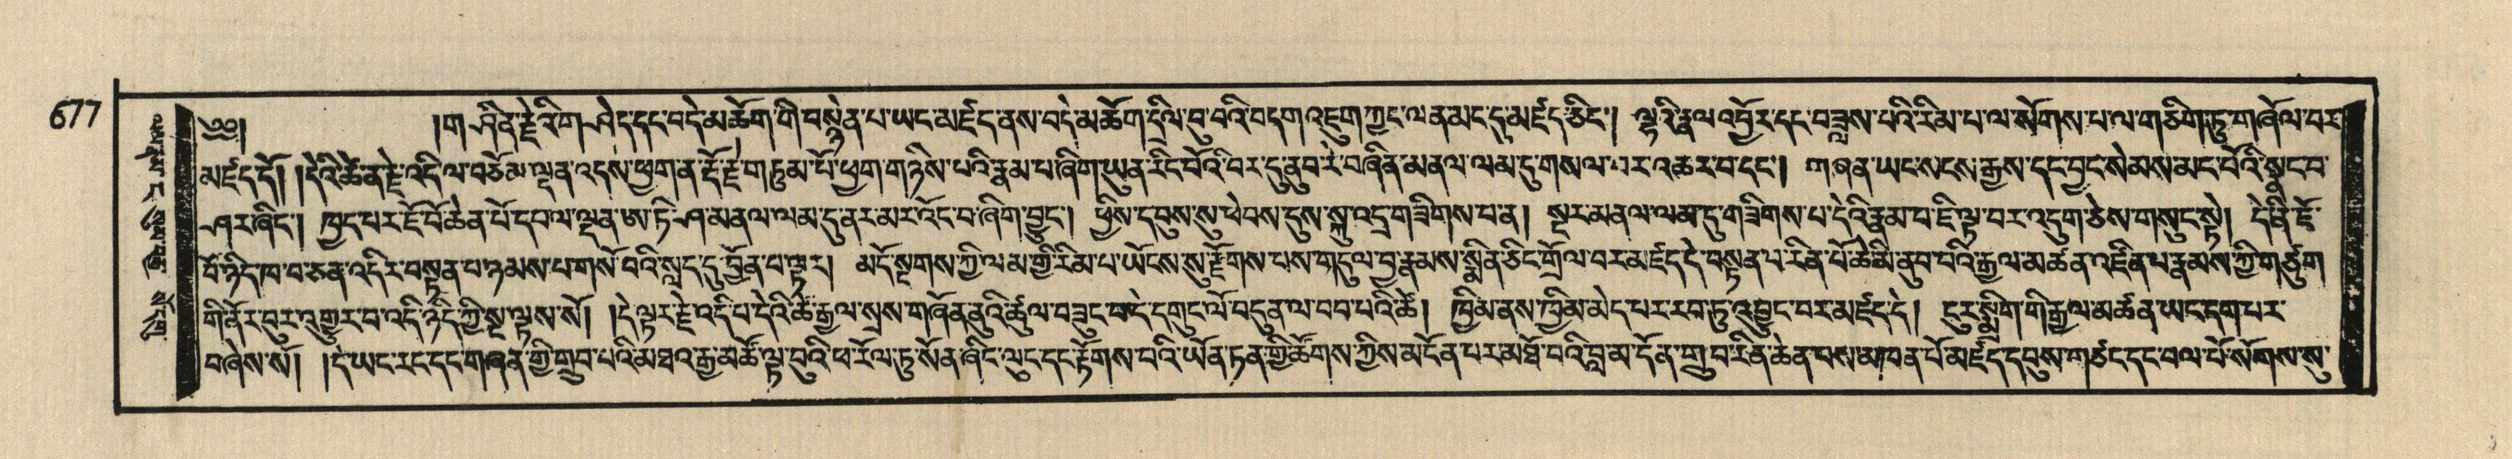༄༅། །གཤིན་རྗེའི་གཤེད་དང་བདེ་མཆོག་གི་བསྙེན་པ་ཡང་མཛད་ནས་བདེ་མཆོག་དྲིལ་བུ་བའི་བདག་འཇུག་ཀྱང་ལན་མང་དུ་མཛད་ཅིང་། ལྷའི་རྣལ་འབྱོར་དང་བཟླས་པའི་རིམ་པ་ལ་སོགས་པ་ལ་གཅིག་ཏུ་གཞོལ་བར་
མཛད་དོ། །དེའི་ཚེ་ན་རྗེ་འདི་ལ་བཅོམ་ལྡན་འདས་ཕྱག་ན་རྡོ་རྗེ་གཏུམ་པོ་ཕྱག་གཉིས་པའི་རྣམ་པ་ཞིག་ཡུན་རིང་པོའི་བར་དུ་ནུབ་རེ་བཞིན་མནལ་ལམ་དུ་གསལ་བར་འཆར་བ་དང་། གཞན་ཡང་སངས་རྒྱས་དང་བྱང་སེམས་མང་པོའི་སྣང་བ་ཤར་ཞིང་། ཁྱད་པར་ཇོ་བོ་ཆེན་པོ་དཔལ་ལྡན་ཨ་ཏི་ཤ་མནལ་ལམ་དུ་ནར་མར་འོང་བ་ཞིང་བྱུང་། ཕྱིས་དབུས་སུ་ཕེབས་དུས་སྐུ་འདྲ་གཟིགས་པ་ན། སྔར་མནལ་ལམ་དུ་གཟིགས་པ་དེའི་རྣམ་པ་ཇི་ལྟ་བར་འདུག་ཅེས་གསུང་སྟེ། དེ་ནི་ཇོ་
བོ་ཉིད་ཁ་བ་ཅན་འདིར་བསྟན་པ་ཉམས་པ་གསོ་བའི་སླད་དུ་བྱོན་པ་ལྟར། མདོ་སྔགས་ཀྱི་ལམ་གྱི་རིམ་པ་ཡོངས་སུ་རྫོགས་པས་གདུལ་བྱ་རྣམས་སྨིན་ཅིང་གྲོལ་བར་མཛད་དེ་བསྟན་པ་རིན་པོ་ཆེ་མི་ནུབ་པའི་རྒྱལ་མཚན་འཛིན་པ་རྣམས་ཀྱི་གཙུག་
གི་ནོར་བུར་འགྱུར་བ་འདི་ཉིད་ཀྱི་སྔ་ལྟས་སོ། །དེ་ལྟར་རྗེ་འདི་པ་དེའི་ཚེ་རྒྱལ་སྲས་གཞོན་ནུའི་ཚུལ་བཟུང་བ་དེ་དགུང་ལོ་བདུན་ལ་བབ་པའི་ཚེ། ཁྱིམ་ནས་ཁྱིམ་མེད་པར་རབ་ཏུ་འབྱུང་བར་མཛད་དེ། ངུར་སྨྲིག་གི་རྒྱལ་མཚན་ཡང་དག་པར་
བཞེས་སོ། །དེ་ཡང་རང་དང་གཞན་གྱི་གྲུབ་པའི་མཐའ་རྒྱ་མཚོ་ལྟ་བུའི་ཕ་རོལ་ཏུ་སོན་ཞིང་ལུང་དང་རྟོགས་པའི་ཡོན་ཏན་གྱི་ཚོགས་ཀྱིས་མངོན་པར་མཐོ་བའི་བླ་མ་དོན་གྲུབ་རིན་ཆེན་པས་མཁན་པོ་མཛད་དབུས་གཙང་དང་བལ་པོ་སོགས་སུ་